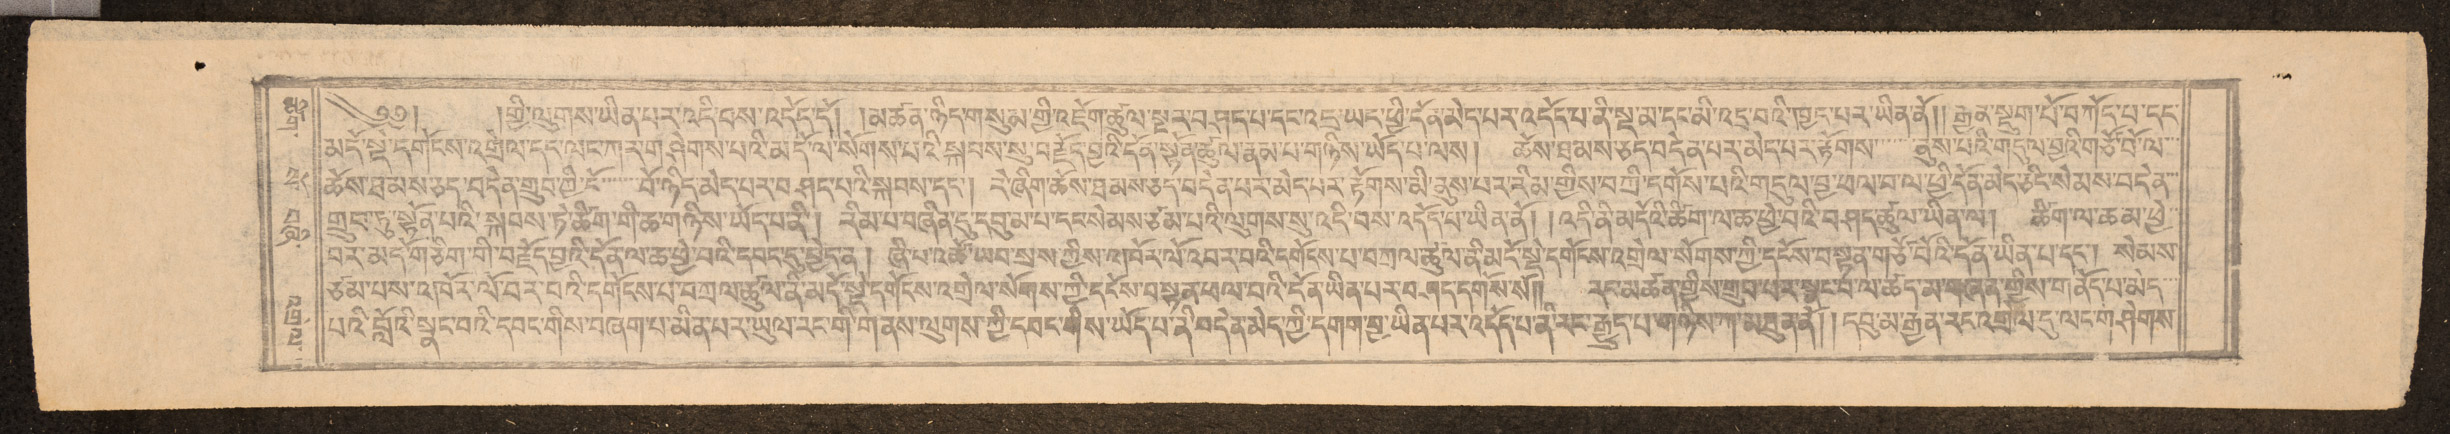༄༅། །གྱི་ལུགས་ཡིན་པར་འདི་བས་འདོད་དོ། །མཚན་ཉིད་གསུམ་གྱི་འཇོག་ཚུལ་སྔར་བཤད་པ་དང་འདྲ་ཡང་ཕྱི་དོན་མེད་པར་འདོད་པ་ནི་སྔ་མ་དང་མི་འདྲ་བའི་ཁྱད་པར་ཡིན་ནོ།། རྒྱན་སྡུག་པོ་བཀོད་པ་དང་
མདོ་སྡེ་དགོངས་འགྲེལ་དང་ལང་ཀར་གཤེགས་པའི་མདོ་ལ་སོགས་པའི་སྐབས་སུ་བརྗོད་བྱའི་དོན་སྟོན་ཚུལ་རྣམ་པ་གཉིས་ཡོད་པ་ལས། ཆོས་ཐམས་ཅད་བདེན་པར་མེད་པར་རྟོགས་ནུས་པའི་གདུལ་བྱའི་གཙོ་བོ་ལ་
ཆོས་ཐམས་ཅད་བདེན་གྲུབ་ཀྱི་ངོ་བོ་ཉིད་མེད་པར་བཤད་པའི་སྐབས་དང་། རེ་ཞིག་ཆོས་ཐམས་ཅད་བདེན་པར་མེད་པར་རྟོགས་མི་ནུས་པར་རིམ་གྱིས་བཀྲི་དགོས་པའི་གདུལ་བྱ་ཕལ་བ་ལ་ཕྱི་དོན་མེད་ཅིང་སེམས་བདེན་
གྲུབ་ཏུ་སྟོན་པའི་སྐབས་ཏེ་ཚིག་གི་ཆ་གཉིས་ཡོད་པ་ནི། རིམ་པ་བཞིན་དུ་དབུ་མ་པ་དང་སེམས་ཙམ་པའི་ལུགས་སུ་འདི་བས་འདོད་པ་ཡིན་ནོ། །འདི་ནི་མདོའི་ཚིག་ལ་ཆ་ཕྱེ་བའི་བཤད་ཚུལ་ཡིན་ལ། ཚིག་ལ་ཆ་མ་ཕྱེ་
བར་མདོ་གཅིག་གི་བརྗོད་བྱའི་དོན་ལ་ཆ་ཕྱེ་བའི་དབང་དུ་བྱེད་ན། ཞི་པ་འཚོ་ཡབ་སྲས་ཀྱིས་འཁོར་ལོ་འབར་བའི་དགོངས་པ་བཀྲལ་ཚུལ་ནི་མདོ་སྡེ་དགོངས་འགྲེལ་སོགས་ཀྱི་དངོས་བསྟན་གཙོ་བོའི་དོན་ཡིན་པ་དང་། སེམས་
ཙམ་པས་འཁོར་ལོ་བར་བའི་དགོངས་པ་བཀྲལ་ཚུལ་ནི་མདོ་སྡེ་དགོངས་འགྲེལ་སོགས་ཀྱི་དངོས་བསྟན་ཕལ་བའི་དོན་ཡིན་པར་བཤད་དགོས་སོ།། རང་མཚན་གྱིས་གྲུབ་པར་སྣང་བ་ལ་ཚད་མ་གཞན་གྱིས་གནོད་པ་མེད་
པའི་བློའི་སྣང་བའི་དབང་གིས་བཞག་པ་མིན་པར་ཡུལ་རང་གི་གནས་ལུགས་ཀྱི་དབང་གིས་ཡོད་པ་ནི་བདེན་མེད་ཀྱི་དགག་བྱ་ཡིན་པར་འདོད་པ་ནི་རང་རྒྱུད་པ་གཉིས་ཀ་མཐུན་ནོ། །དབུ་མ་རྒྱན་རང་འགྲེལ་དུ་ལང་གཤེགས་